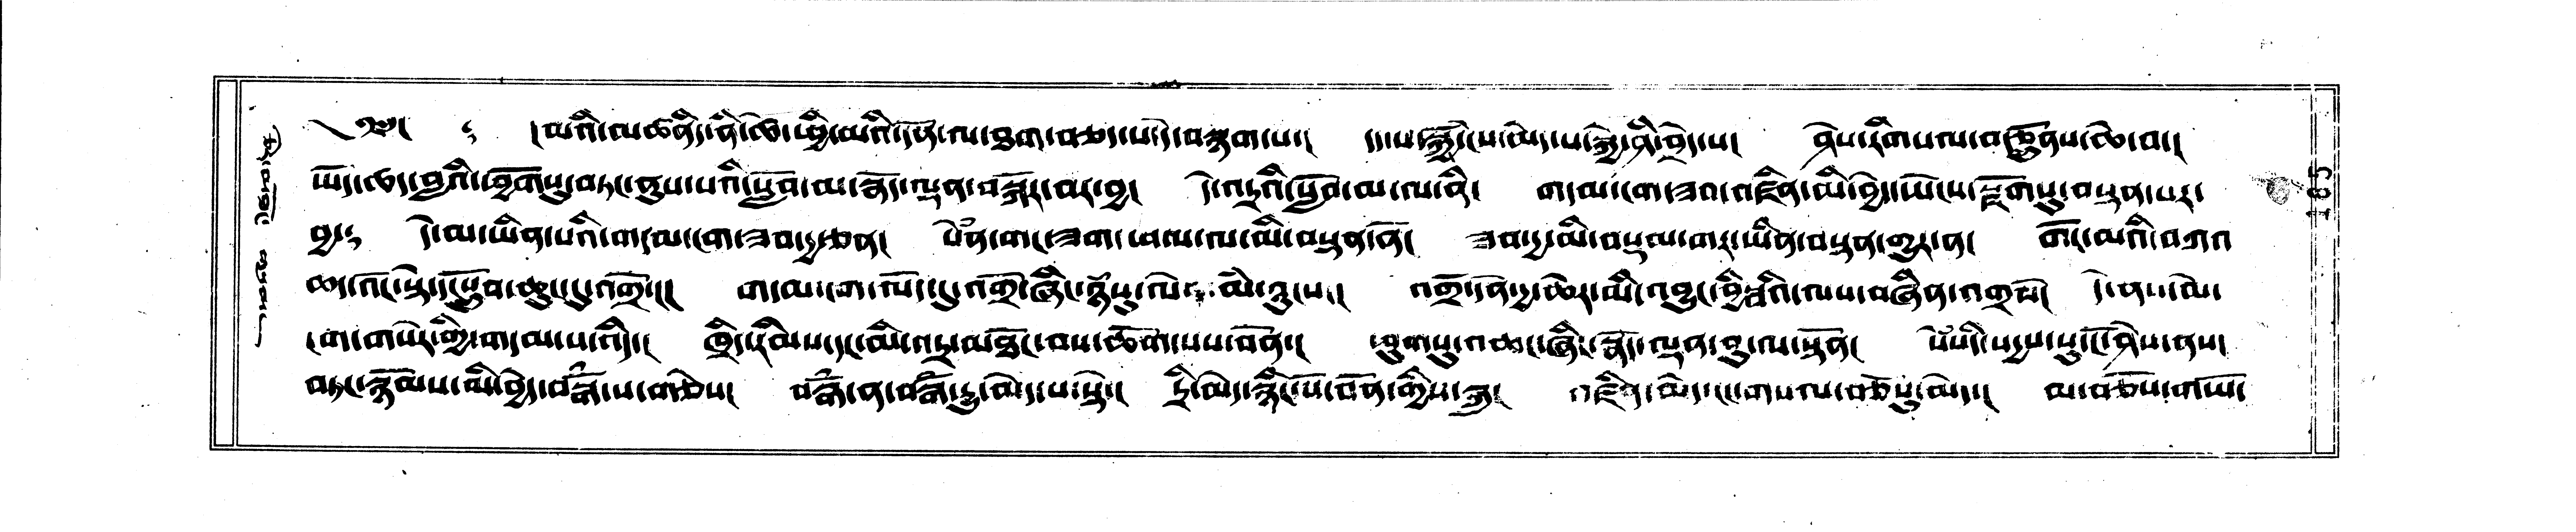མའི་མཚན་ཉིད་ནི། ཚེ་ཕྱི་མའི་དོན་ལ་བསྙག་སྟེ། ཐག་བཅད་པ། དད་པ་སྐྱོ་ངས་མེད་སྟེ་སྐྱེ་ཤི་བྲེད་པ། ཤེས་རིག་གསལ་ལ་བརྩོན་འགྲུས་ཆེ་བ།
 ཡོད་ཚད་བླ་མའི་ཕྱོགས་སུ་བཏང་ནུས་པའི། སློབ་མ་”སྣོད་ལྡན”བསྐོར་བར་བྱ། དེ་འདྲ་བའི་སློབ་མ་ནི་གདམ་ངག་ཟབ་འཛིན་མི་བྱ། ཡོངས་རྫོགས་སུ་བསྟན་པར་
བྱ། དེ་མ་ཡིན་གདམ་ངག་ཟབ་རྒྱ་ཅན། སེམས་ཅན་གང་ཟག་ཕལ་ལ་མི་བསྟན་ནོ། ཟབ་རྒྱས་མ་བསྡམ་གར་ཡིན་བསྟན་གྱུར་ན། གོང་མའི་བཀའ་
ཆད་འོང་སྟེ། དངོས་གྲུབ་ཆུང་དུ་འགྲོ། གདམ་ངག་ལོད་དུ་འགྲོ་ཞིང་ཉམས་སུ་ལེན་མི་ཉུང་། འགྲོ་དོན་རྒྱ་ཆེར་མི་འབྱུང་བྱིས་པའི་ལས་བཞིན་འགྲོ། དེ་ན་མེན་
ངག་གསེར་གྱིས་གདམ་པ་འདི། ཁྲིད་རིམ་ཕལ་དང་མི་འདྲ་མཐོང་བས་ཆོག་པའི་བོན། ཕུགས་སུ་ཆོང་ཅིང་”འཆེ་ཞིང”སྣོད་ལྡན་བུ་ལ་སྟོན། སེམས་ཉིད་སངས་རྒྱས་ངོ་ཤེས་ན། 
བཏང་སྙོམ་མི་བྱེད་བསྒོམ་པ་གཅེས། སྒོམ་ན་སྒོམ་རྒྱུ་མེད་པ་དེ། དྲི་མེད་སྙིང་པོ་བོན་གྱི་སྐུ། འཛིན་མེད་ངང་གསལ་བཅོས་སུ་མེད། མ་བཅོས་གཡོ་